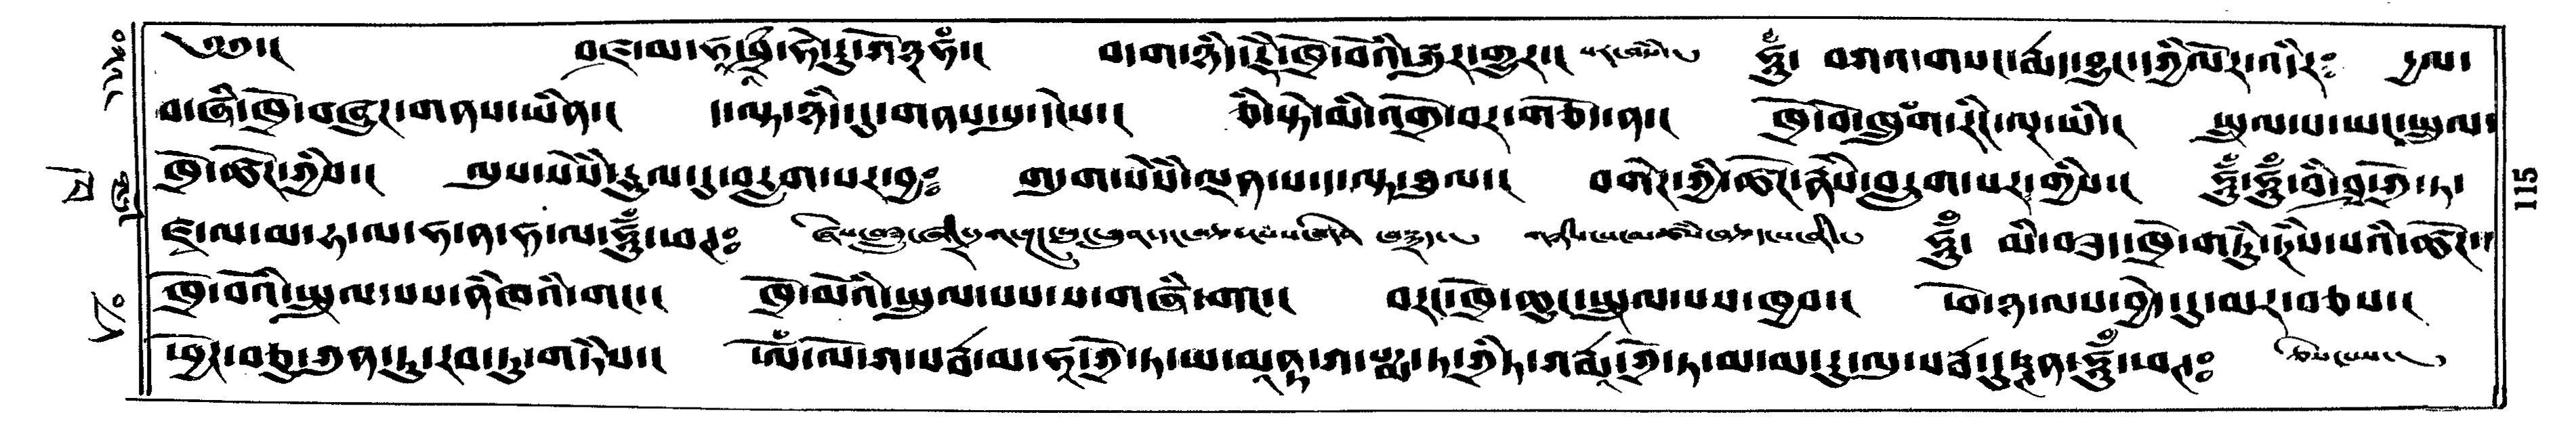བཛྲ་མ་ཧཱ་ཤྲཱྀ་ཧེ་རུ་ཀོཉཧཾ། བདག་ཉིད་རྡོ་རྗེ་ཁྲོ་བོའི་སྐུར་གྱུར་པར་བསམ། ཧཱུྃཿ བཀའ་གསང་རྨད་བྱུང་དཀྱིལ་འཁོར་འདི། །རྒྱལ་
བ་ཞི་ཁྲོའི་བཞུགས་གནས་ཡིན། །ད་ལྟ་ཉིད་དུ་གནས་སུ་དེངས། །ཅི་སྟེ་མི་འགྲོ་བར་གཅོད་ན། །ཁྲོ་བོ་ཁྲོ་མོ་རིགས་ལྔ་ཡི། །སྤྲུལ་པ་ཡང་སྤྲུལ་
ཁྲོ་ཚོགས་ཀྱིས། །ལུས་སེམས་རྡུལ་དུ་བརླག་པར་བྱ། །གདུག་སེམས་ལྡན་པ་ད་ལྟ་ཐུལ། །བགེགས་ཀྱི་ཚོགས་རྣམས་བརླག་པར་གྱིས། ཧཱུྃ་ཧཱུྃ་བི་ཤྭ་ཀྲོ་ཏ་
ཛྭ་ལ་མ་ཧ་ལ་ཧ་ན་ཧ་ལ་ཧཱུྃ་ཕཊཿ ཞེས་བཟླ་ཞིང་དྲག་སྔགས་ཕུར་ཐུན་དང་བཅས་པས་བགེགས། བསྐྲད། གཉིས་པ་མཚམས་བཅད་པ་ནི། ཧཱུྃ། མི་བཟད་ཁྲོ་གཏུམ་རྔམས་པའི་ཚོགས། །
ཁྲོ་བོའི་སྤྲུལ་པས་ནམ་མཁའ་གང་། །ཁྲོ་མོའི་སྤྲུལ་པས་ས་གཞི་གང་། །བར་སྣང་ཁྲོ་ཆུང་སྤྲུལ་པས་ཁྱབ། །ཕོ་ཉ་ལས་བྱེད་དུ་མར་བཅས། །
ཕྱོགས་བཅུ་ཀུན་ཏུ་རབ་ཏུ་གཏམས། །ཨོཾ་ལོ་ཀ་སརྦ་མ་ཧཱ་ཀྲོ་ཏ་ཡ་མཱནྟ་ཀ་པདྨ་ཏ་ཀྲིཏ་ཀརྨཱ་ཀྲོ་ཏ་མ་མ་རུ་ལུ་སརྦ་དུཥྚན་ཧཱུྃ་ཕཊཿ ཅེས་པས་